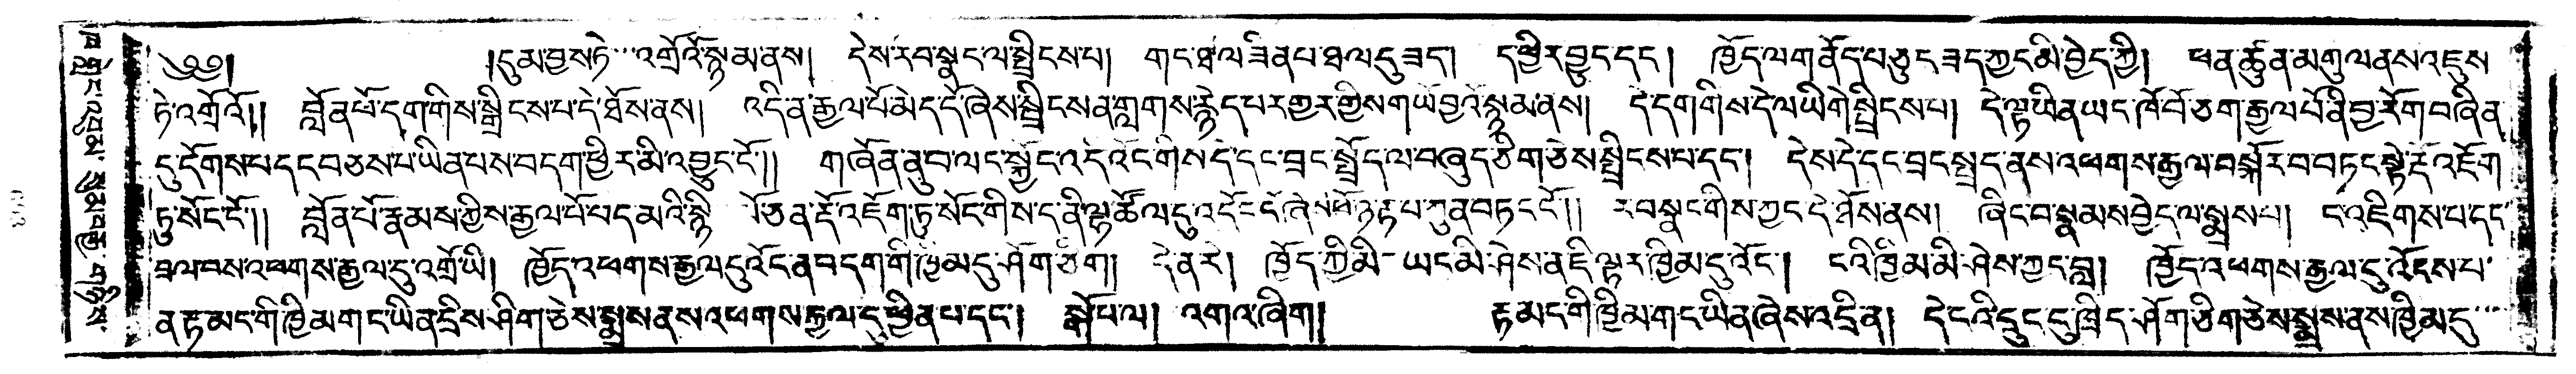༄༅། །དུམ་བྱས་ཏེ་འགྲོའོ་སྙམ་ནས། དེས་རབ་སྣང་ལ་སྤྲིངས་པ། གང་ཐལ་ཟིན་པ་ཐལ་དུ་ཟད། ད་ཕྱིར་བྱུང་དང་། ཁྱོད་ལ་གནོད་པ་ཅུང་ཟད་ཀྱང་མི་བྱེད་ཀྱི། ཕན་ཚུན་མགུལ་ནས་འཇུས་
ཏེ་འགྲོའོ།། བློན་པོ་དག་གིས་སྒྲིངས་པ་དེ་ཐོས་ནས། འདི་ན་རྒྱལ་པོ་མེད་དོ་ཞེས་སྦྲིངས་ན་གླགས་རྙེད་པར་གྱར་གྱིས་གཡོ་བྱའོ་སྙམ་ནས། དེ་དག་གིས་དེ་ལ་ཡི་གེ་སྤྲིངས་པ། དེ་ལྟ་ཡིན་ཡང་ཁོ་བོ་ཅག་རྒྱལ་པོ་ནི་བྱ་རོག་བཞིན་
དུ་དོགས་པ་དང་བཅས་པ་ཡིན་པས་བདག་ཕྱིར་མི་འབྱུང་ངོ།། གཞོན་ནུ་བ་ལང་སྐྱོང་འདི་འོང་གིས་དེ་དང་བྲང་སྤྲོད་ལ་བཞུད་ཅིག་ཅེས་སྤྲིངས་པ་དང་། དེས་དེ་དང་བྲང་སྤྲད་ནས་འཕགས་རྒྱལ་བསྐོར་བ་བཏང་སྟེ་རྡོ་འཇོག་
ཏུ་སོང་ངོ།། བློན་པོ་རྣམས་ཀྱིས་རྒྱལ་པོ་པད་མའི་སྙིང་པོ་ཅན་རྡོ་འཇོག་ཏུ་སོང་གིས་ད་ནི་ལྷ་ཚོལ་དུ་འདོང་ངོ་ཞེས་ཕོ་ཉ་རྟ་པ་ཀུན་བཏང་ངོ།། རབ་སྣང་གིས་ཀྱང་དེ་ཐོས་ནས། ཞིང་བ་སྣམས་བྱེད་ལ་སྨྲས་པ། ང་འཇིགས་པ་དང་
བྲལ་བས་འཕགས་རྒྱལ་དུ་འགྲོ་ཡི། ཁྱོད་འཕགས་རྒྱལ་དུ་འོང་ན་བདག་གི་ཁྱིམ་དུ་ཤོག་ཅིག། དེ་ན་རེ། ཁྱོད་ཀྱི་མི་ཡང་མི་ཤེས་ན་ཇི་ལྟར་ཁྱིམ་དུ་འོང་། ངའི་ཁྱིམ་མི་ཤེས་ཀྱང་བླ། ཁྱོད་འཕགས་རྒྱལ་དུ་འོངས་པ་
ན་རྟ་མང་གི་ཁྱིམ་གང་ཡིན་དྲིས་ཤིག་ཅེས་སྨྲས་ནས་འཕགས་རྒྱལ་དུ་ཕྱིན་པ་དང་། སྒོ་པ་ལ། འགའ་ཞིག། རྟ་མང་གི་ཁྱིམ་གང་ཡིན་ཞེས་འདྲི་ན། དེ་ངའི་དྲུང་དུ་ཁྲིད་ཤོག་ཅིག་ཅེས་སྨྲས་ནས་ཁྱིམ་དུ་